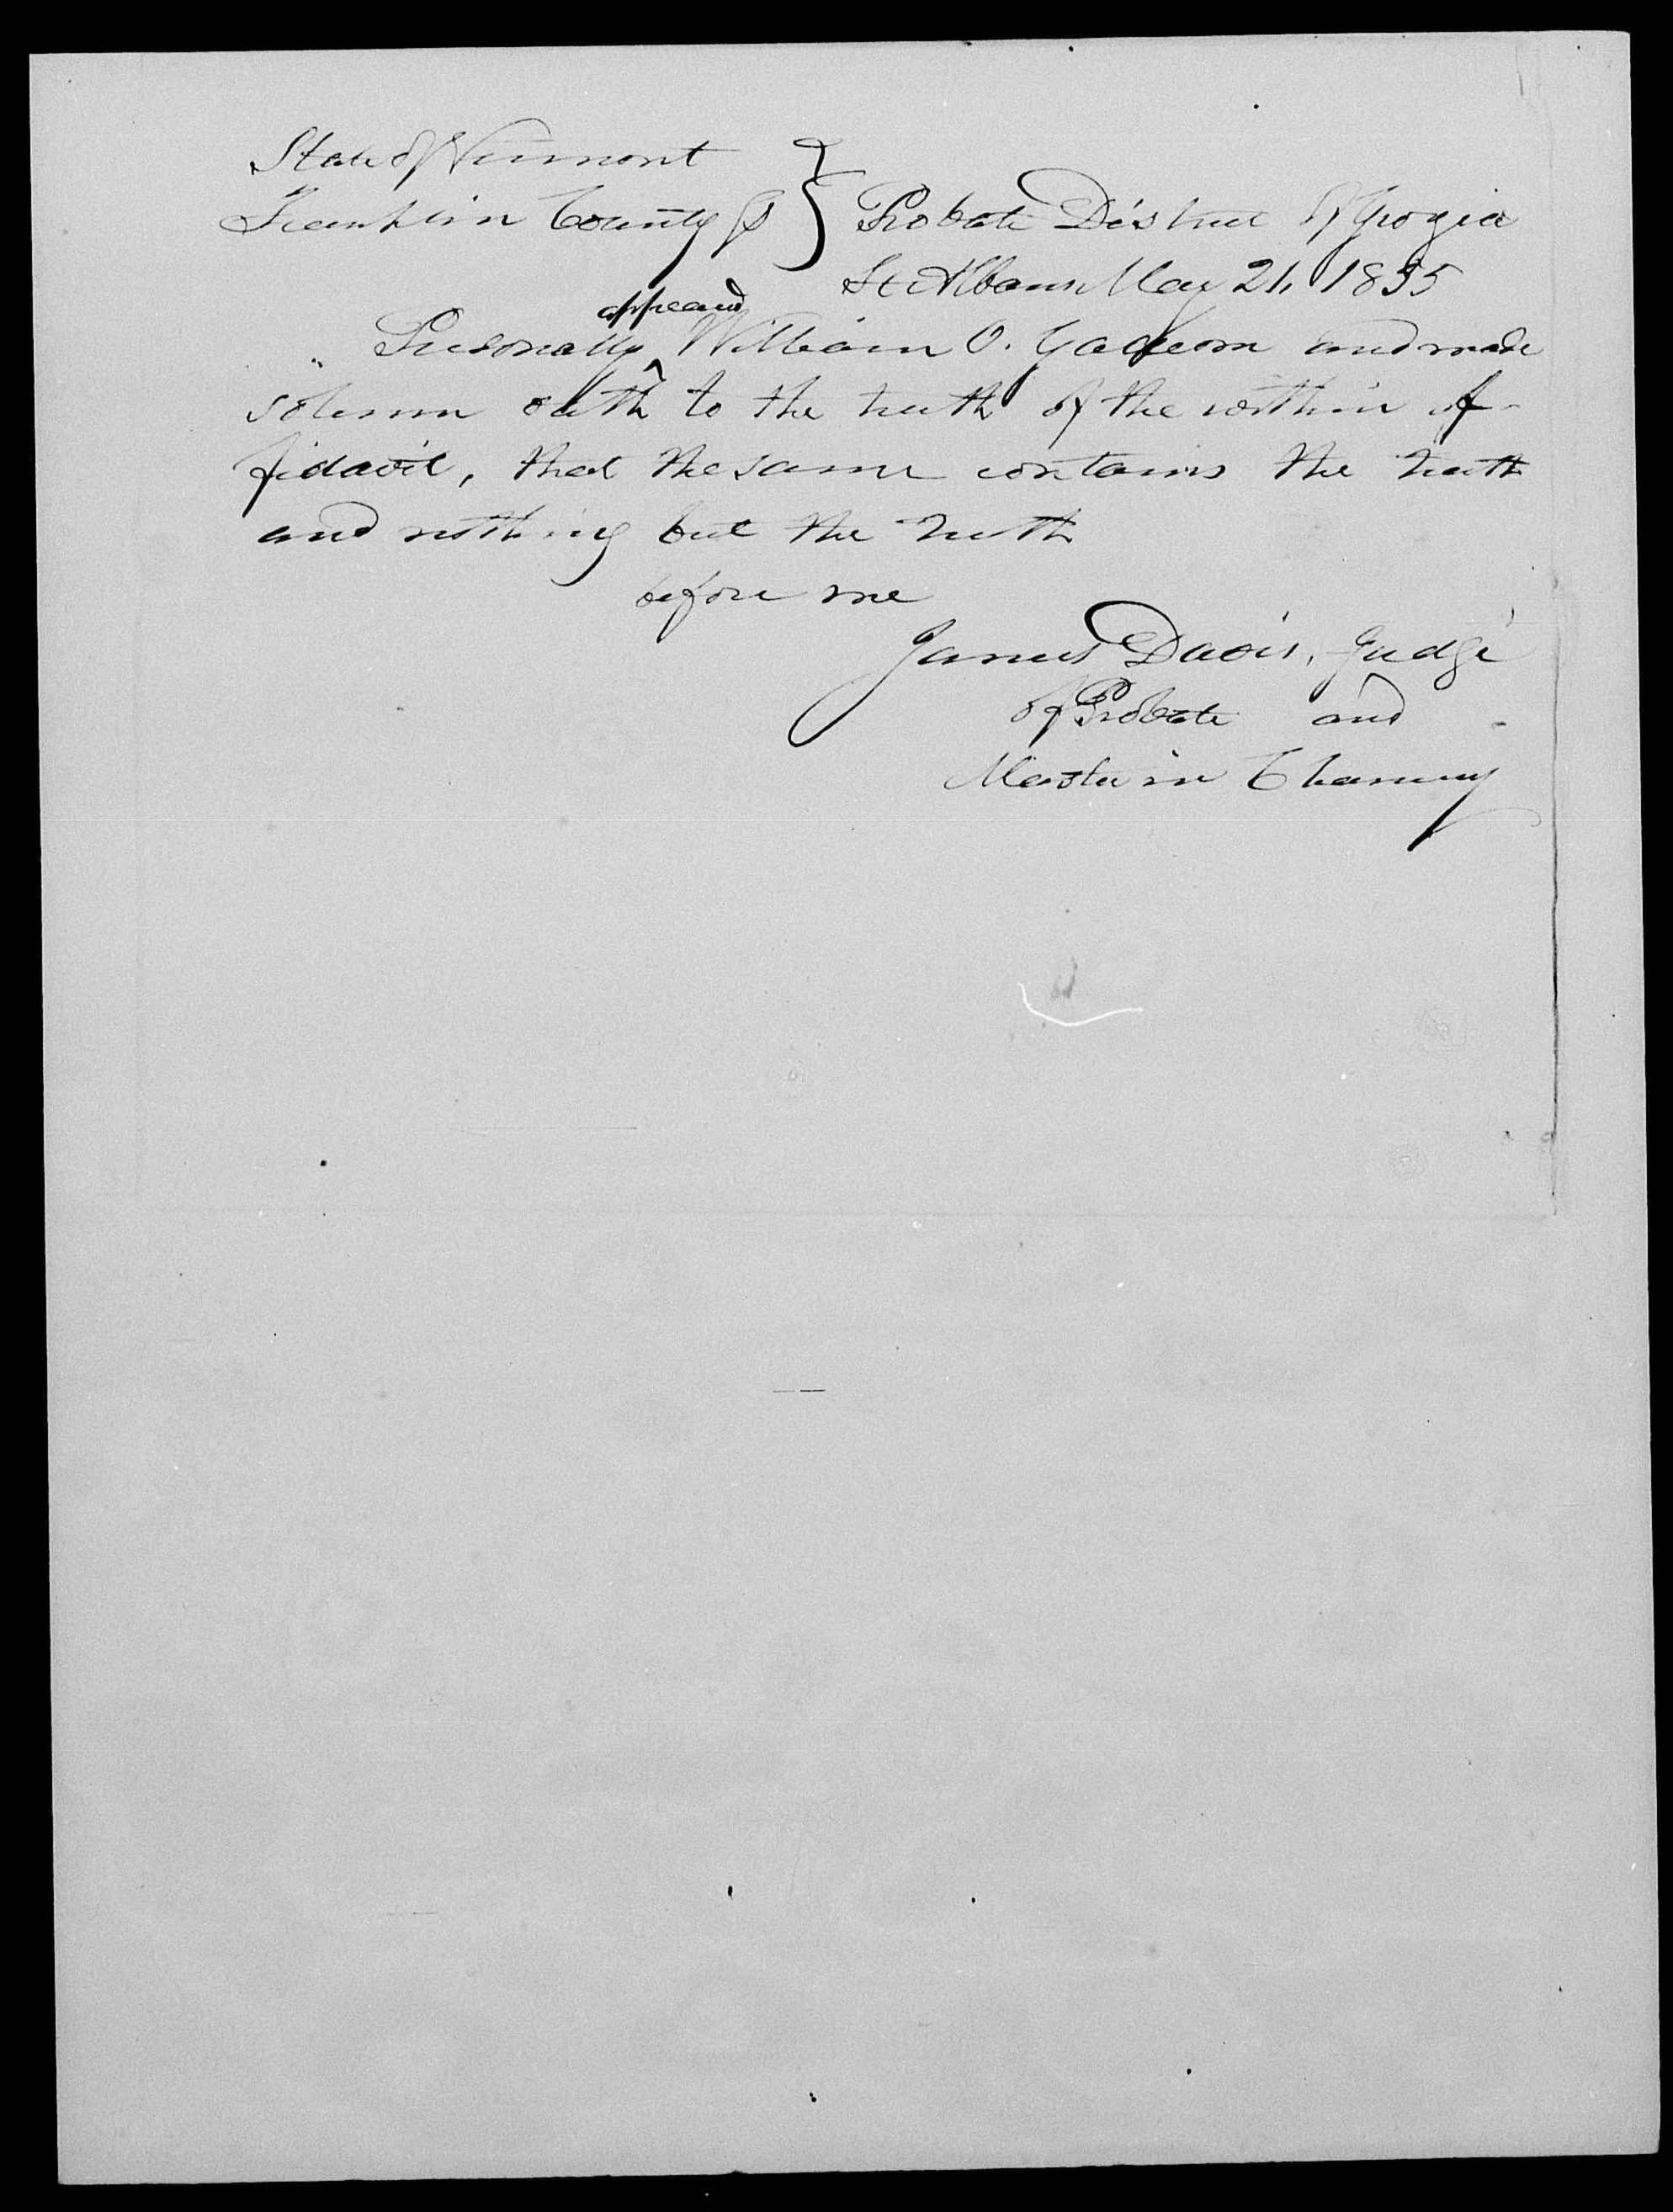State of Vermont
Franklin County Ss } Probate District of Georgia
St Albans May 21, 1855
Personally appeared William A. Gadcomb and made
solemn oath to the truth of the within 
affidavit, that the same contains the truth
and nothing but the truth.
before me
James Davis, Judge
of Probate and
Master in Chancery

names: James Davis, William O Gadcom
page: 14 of 76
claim: widow's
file: W. 15,517, William Gadcomb, R.I.